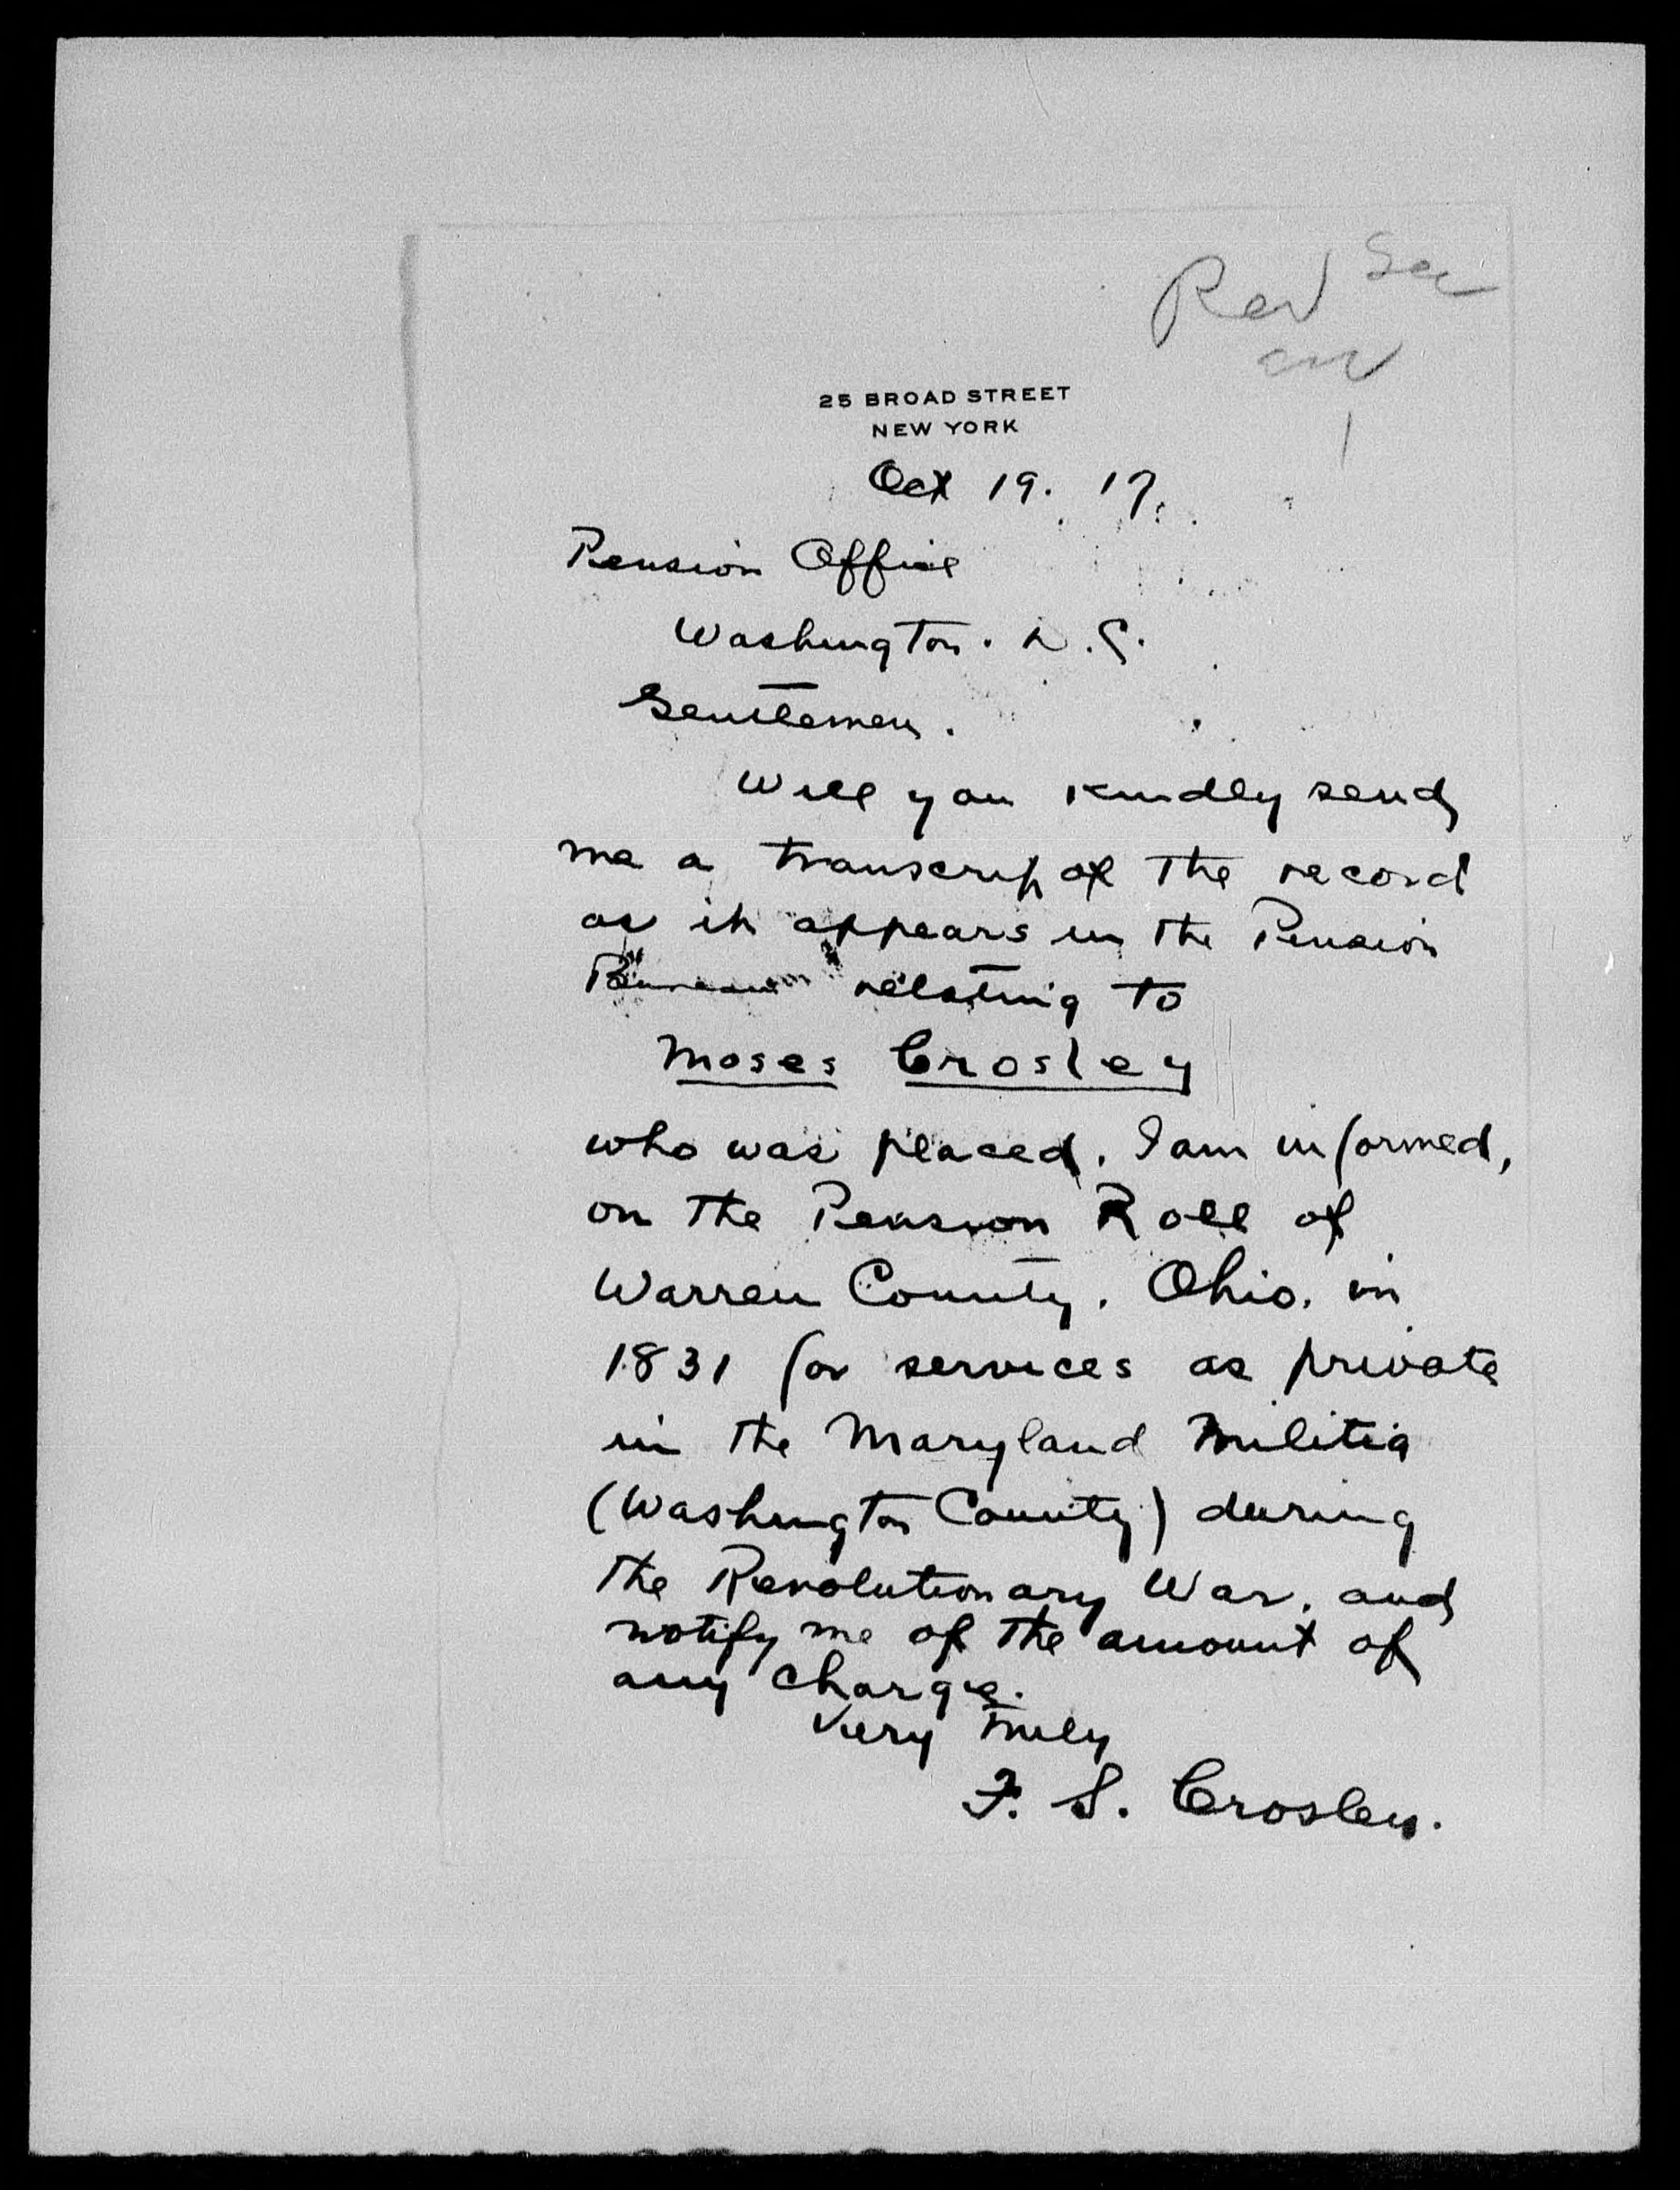Rev Sec
cn

28 BROAD STREET
NEW YORK
Oct 19. 17

Pension Office
Washington. D.C.

Gentlemen
Will you kindly send
me a transcript of the record
as it appears in the Pension
Burns relating to
Moses Crosley
who was placed, I am informed,
on the Pension Roll of
Warren County, Ohio, in
1831 (for services as private
in the Maryland Militia
(Washington County) during the
Revolutionary War, and
notify me of the amount of
any charges
Very truly
F. S. Crosley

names: F S Crosley, Moses Crosley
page: 22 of 37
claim: rejected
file: R. 2516, Moses Crosley, Md.